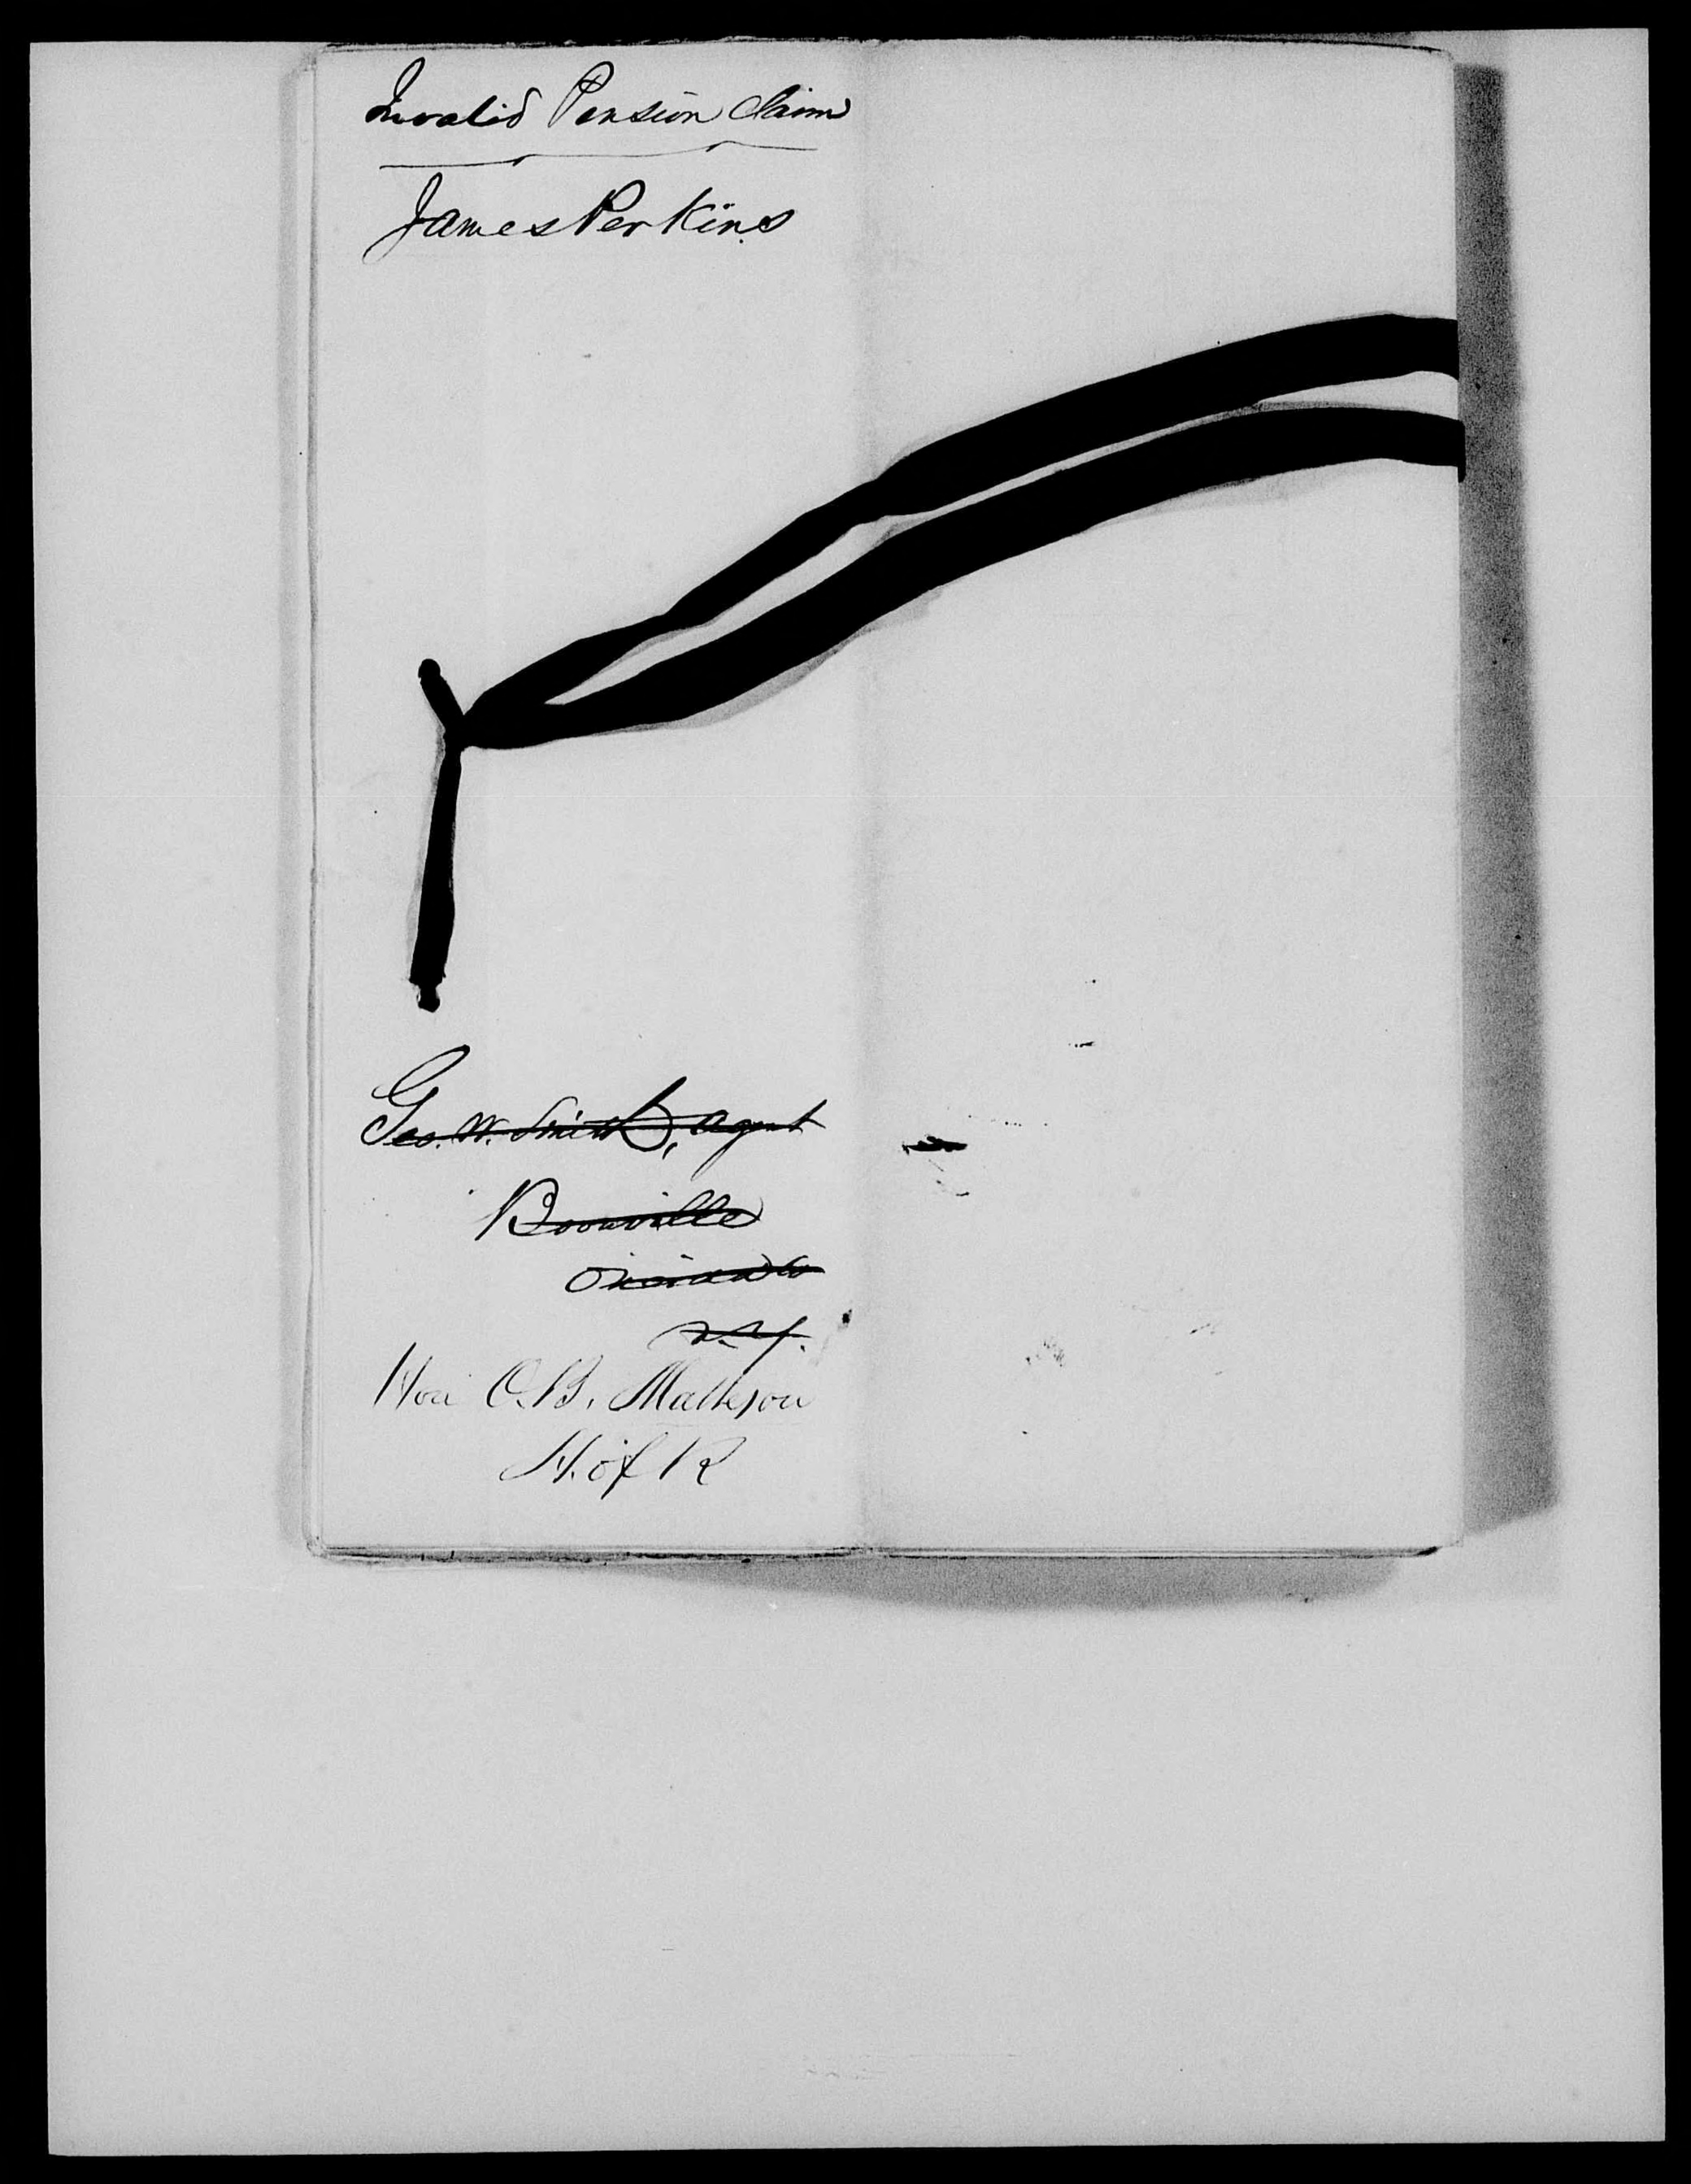Invalid Pension Claim 
James Perkins 
[crossed out: Geo. W. Smith agent Boonville Oneida Co N.Y.]
Hon. O. B. Matteson  H. of R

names: Geo W Smith; James Perkins; O B Matteson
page: 2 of 44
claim: rejected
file: R. 17,033, for Joseph Perkins, New York